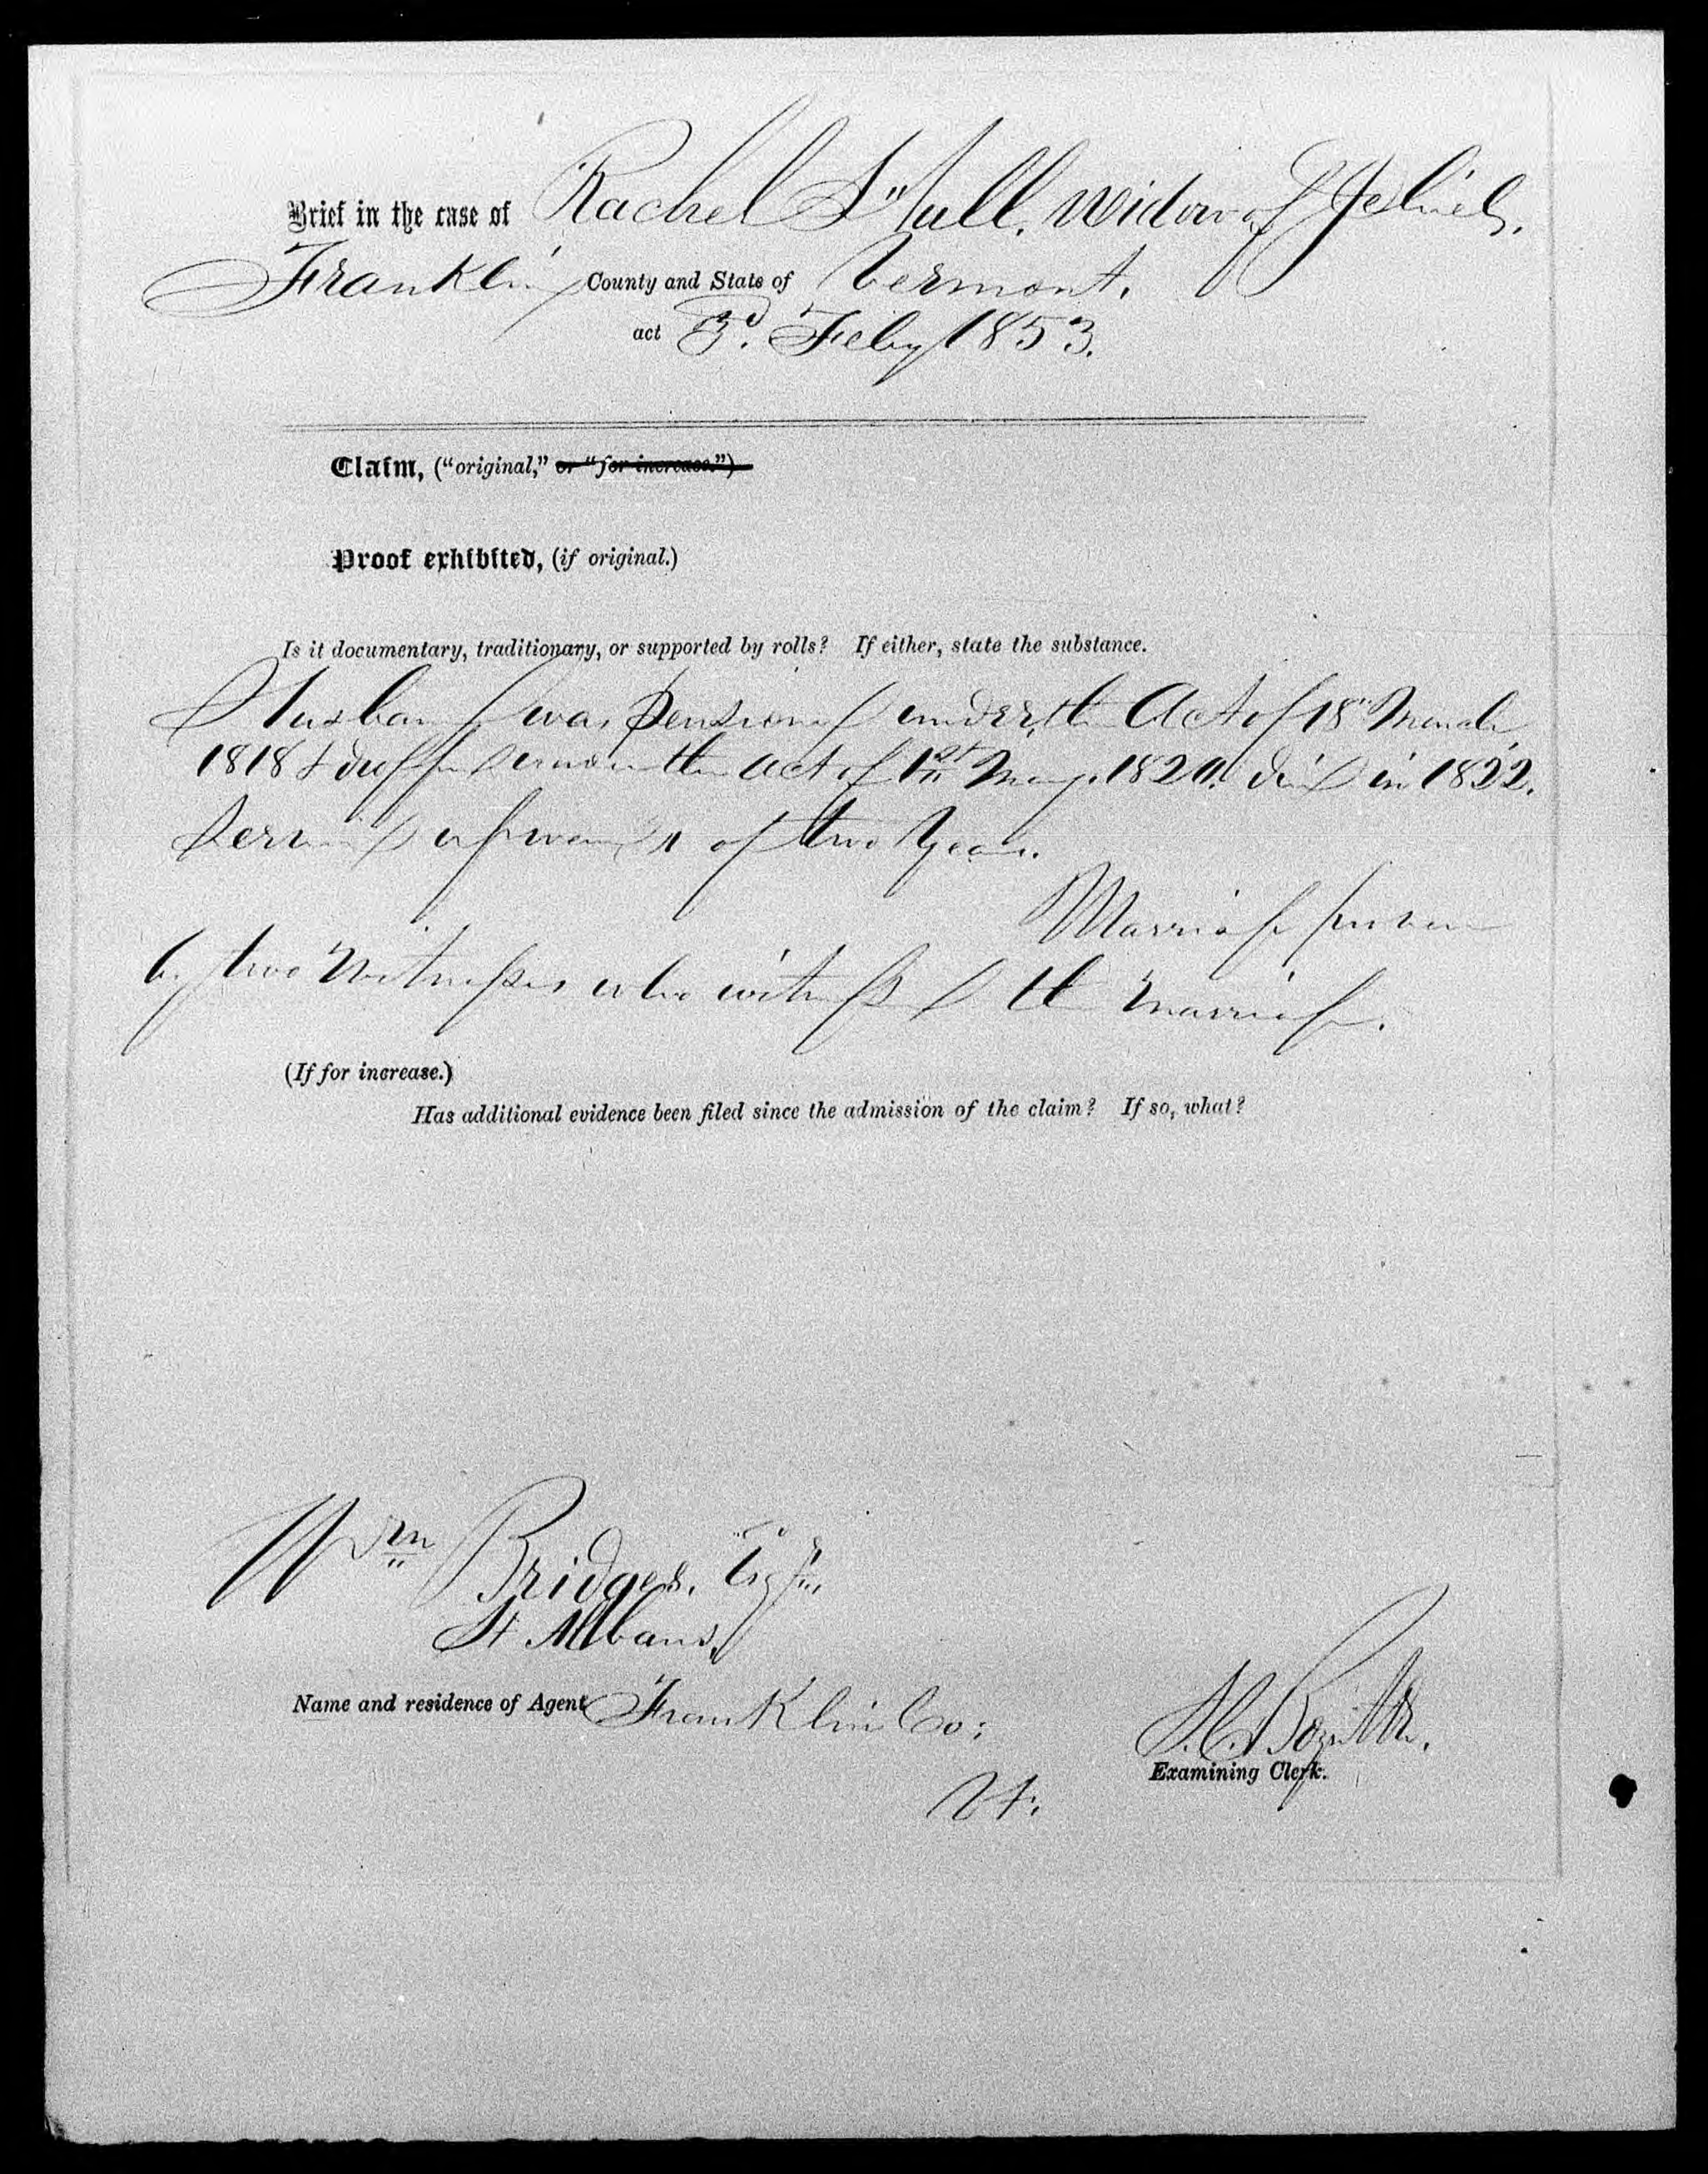Brief in the case of Rachel S Hull, widow of Jehiel, Franklin County and Star of Vermont.3rd Feby 1853.
Claim, ("original," or "for increase") 
Proof exhibited, (if original.)
Is it documentary, traditionary, or supported by rolls?  If either, state the substance.
Husband was pensioned under the Act of 18 March 1818 & unofficial under the act of 1st May 1820 [illegible] in 1822, [illegible] of two year.
Marriage [illegible] by two [illegible] who [illegible] the marriage. 
(If for increase)
Has additional evidence been file since the admission of the claim? If so, what? 

Wm Bridges, [illegible] st Albans 
Name and residence of Agent Franklin [illegible] Examining Clerk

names: S C Boynton, Wm Bridges, Rachel Hull, Jehiel Hull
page: 58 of 58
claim: widow's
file: W. 25813, Jehiel Hull, Conn.